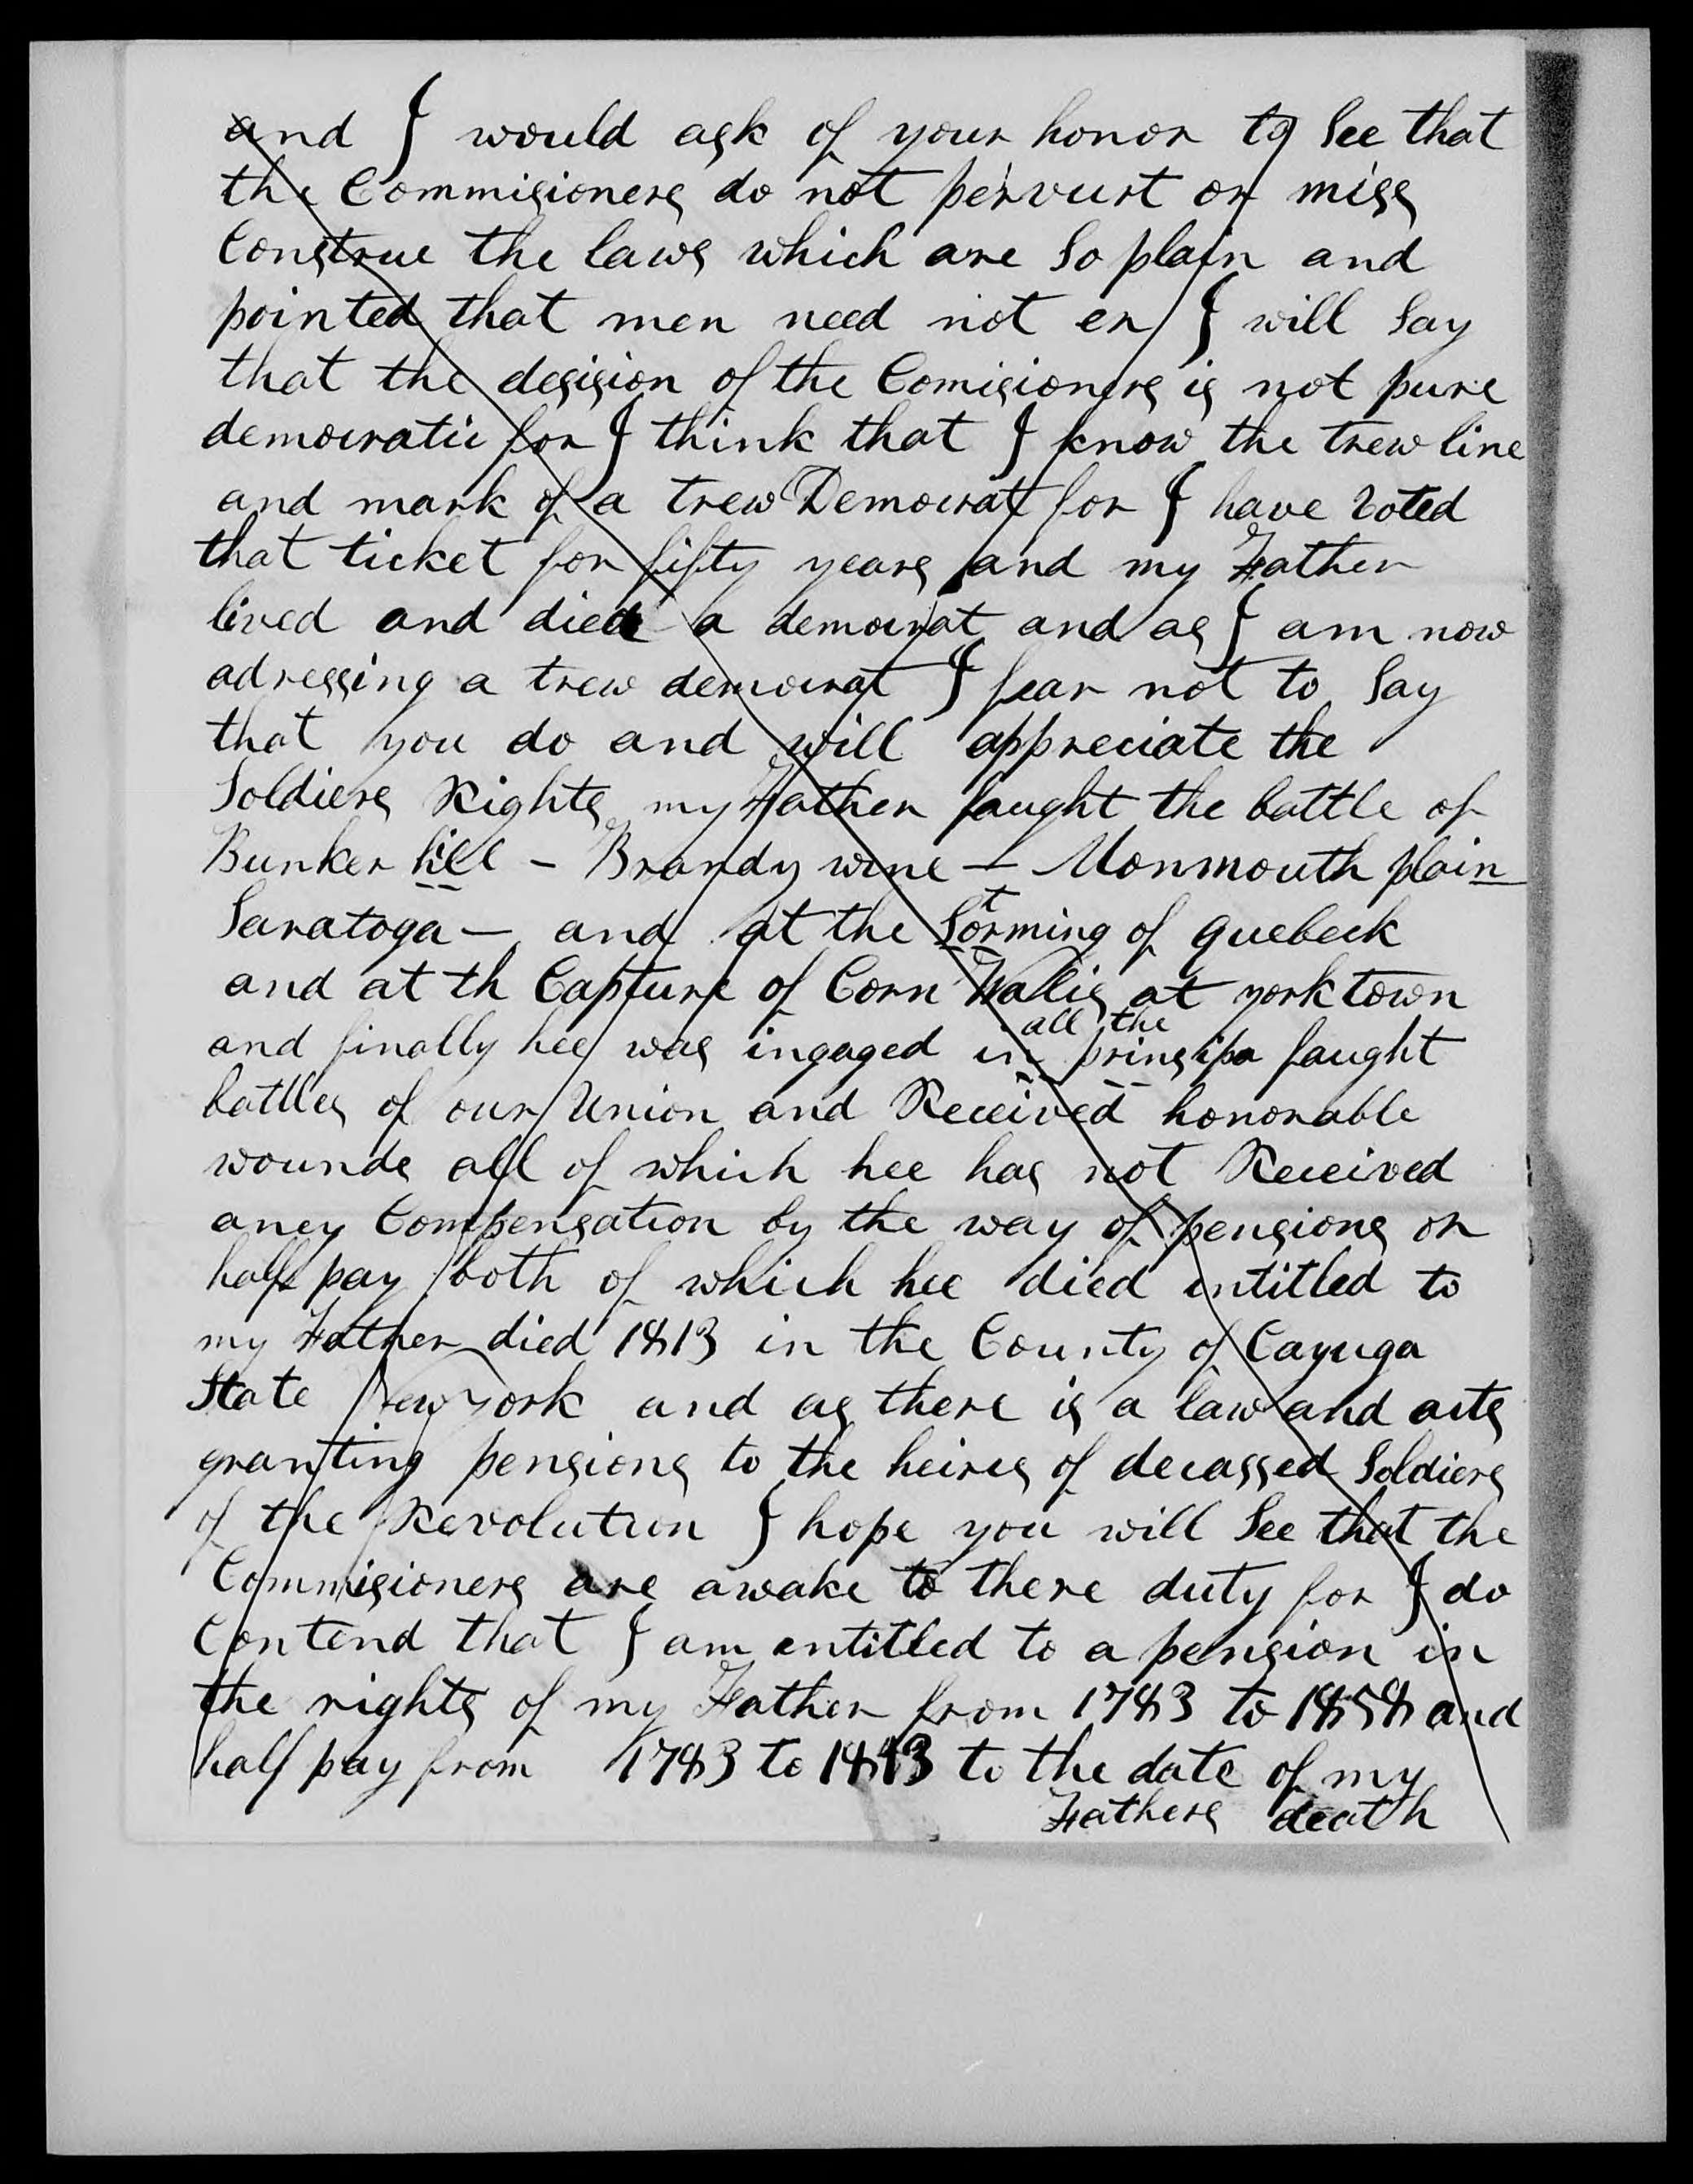and I would ask of your honor to See that the Commisioners do not pervent of miss construe the laws which are so plain and pointed that men need not er I will say that the desision of the Comisioners is not pure democratic for I think that I know the trew line and mark of a trew Democrat for I have voted that ticket for fifty years and my Father lived and died a democrat and as I am now adressing a trew democrat I fear not to say that you do and will appreciate the Soldiers Rights my Father fought the battle of Bunker hill - Brandy wine - Monmouth plain - Saratoga and at the storming of Quebeck and at the Capture of Corn Walis at Yorktown and finally hee was ingaged in all the prinsipa faught battles of our Union and Received honorable wound all of which hee has not Received aney Compensation by the way of pensions or half pay both of which he died intitled to my Father died 1813 in the County of Cayuga State New York and as there is a law and acts granting pensions to the heires of decassed Soldiers of the Revolution I hope you will see that the Commisioners are awake to there duty for I do contend that I am entitled to a pension in the rights of my Father from 1783 to 1858 and half pay from 1783 to 1813 to the date of my Fathers death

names: [BLANK] Corn Walis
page: 30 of 44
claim: rejected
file: R. 17,033, for Joseph Perkins, New York